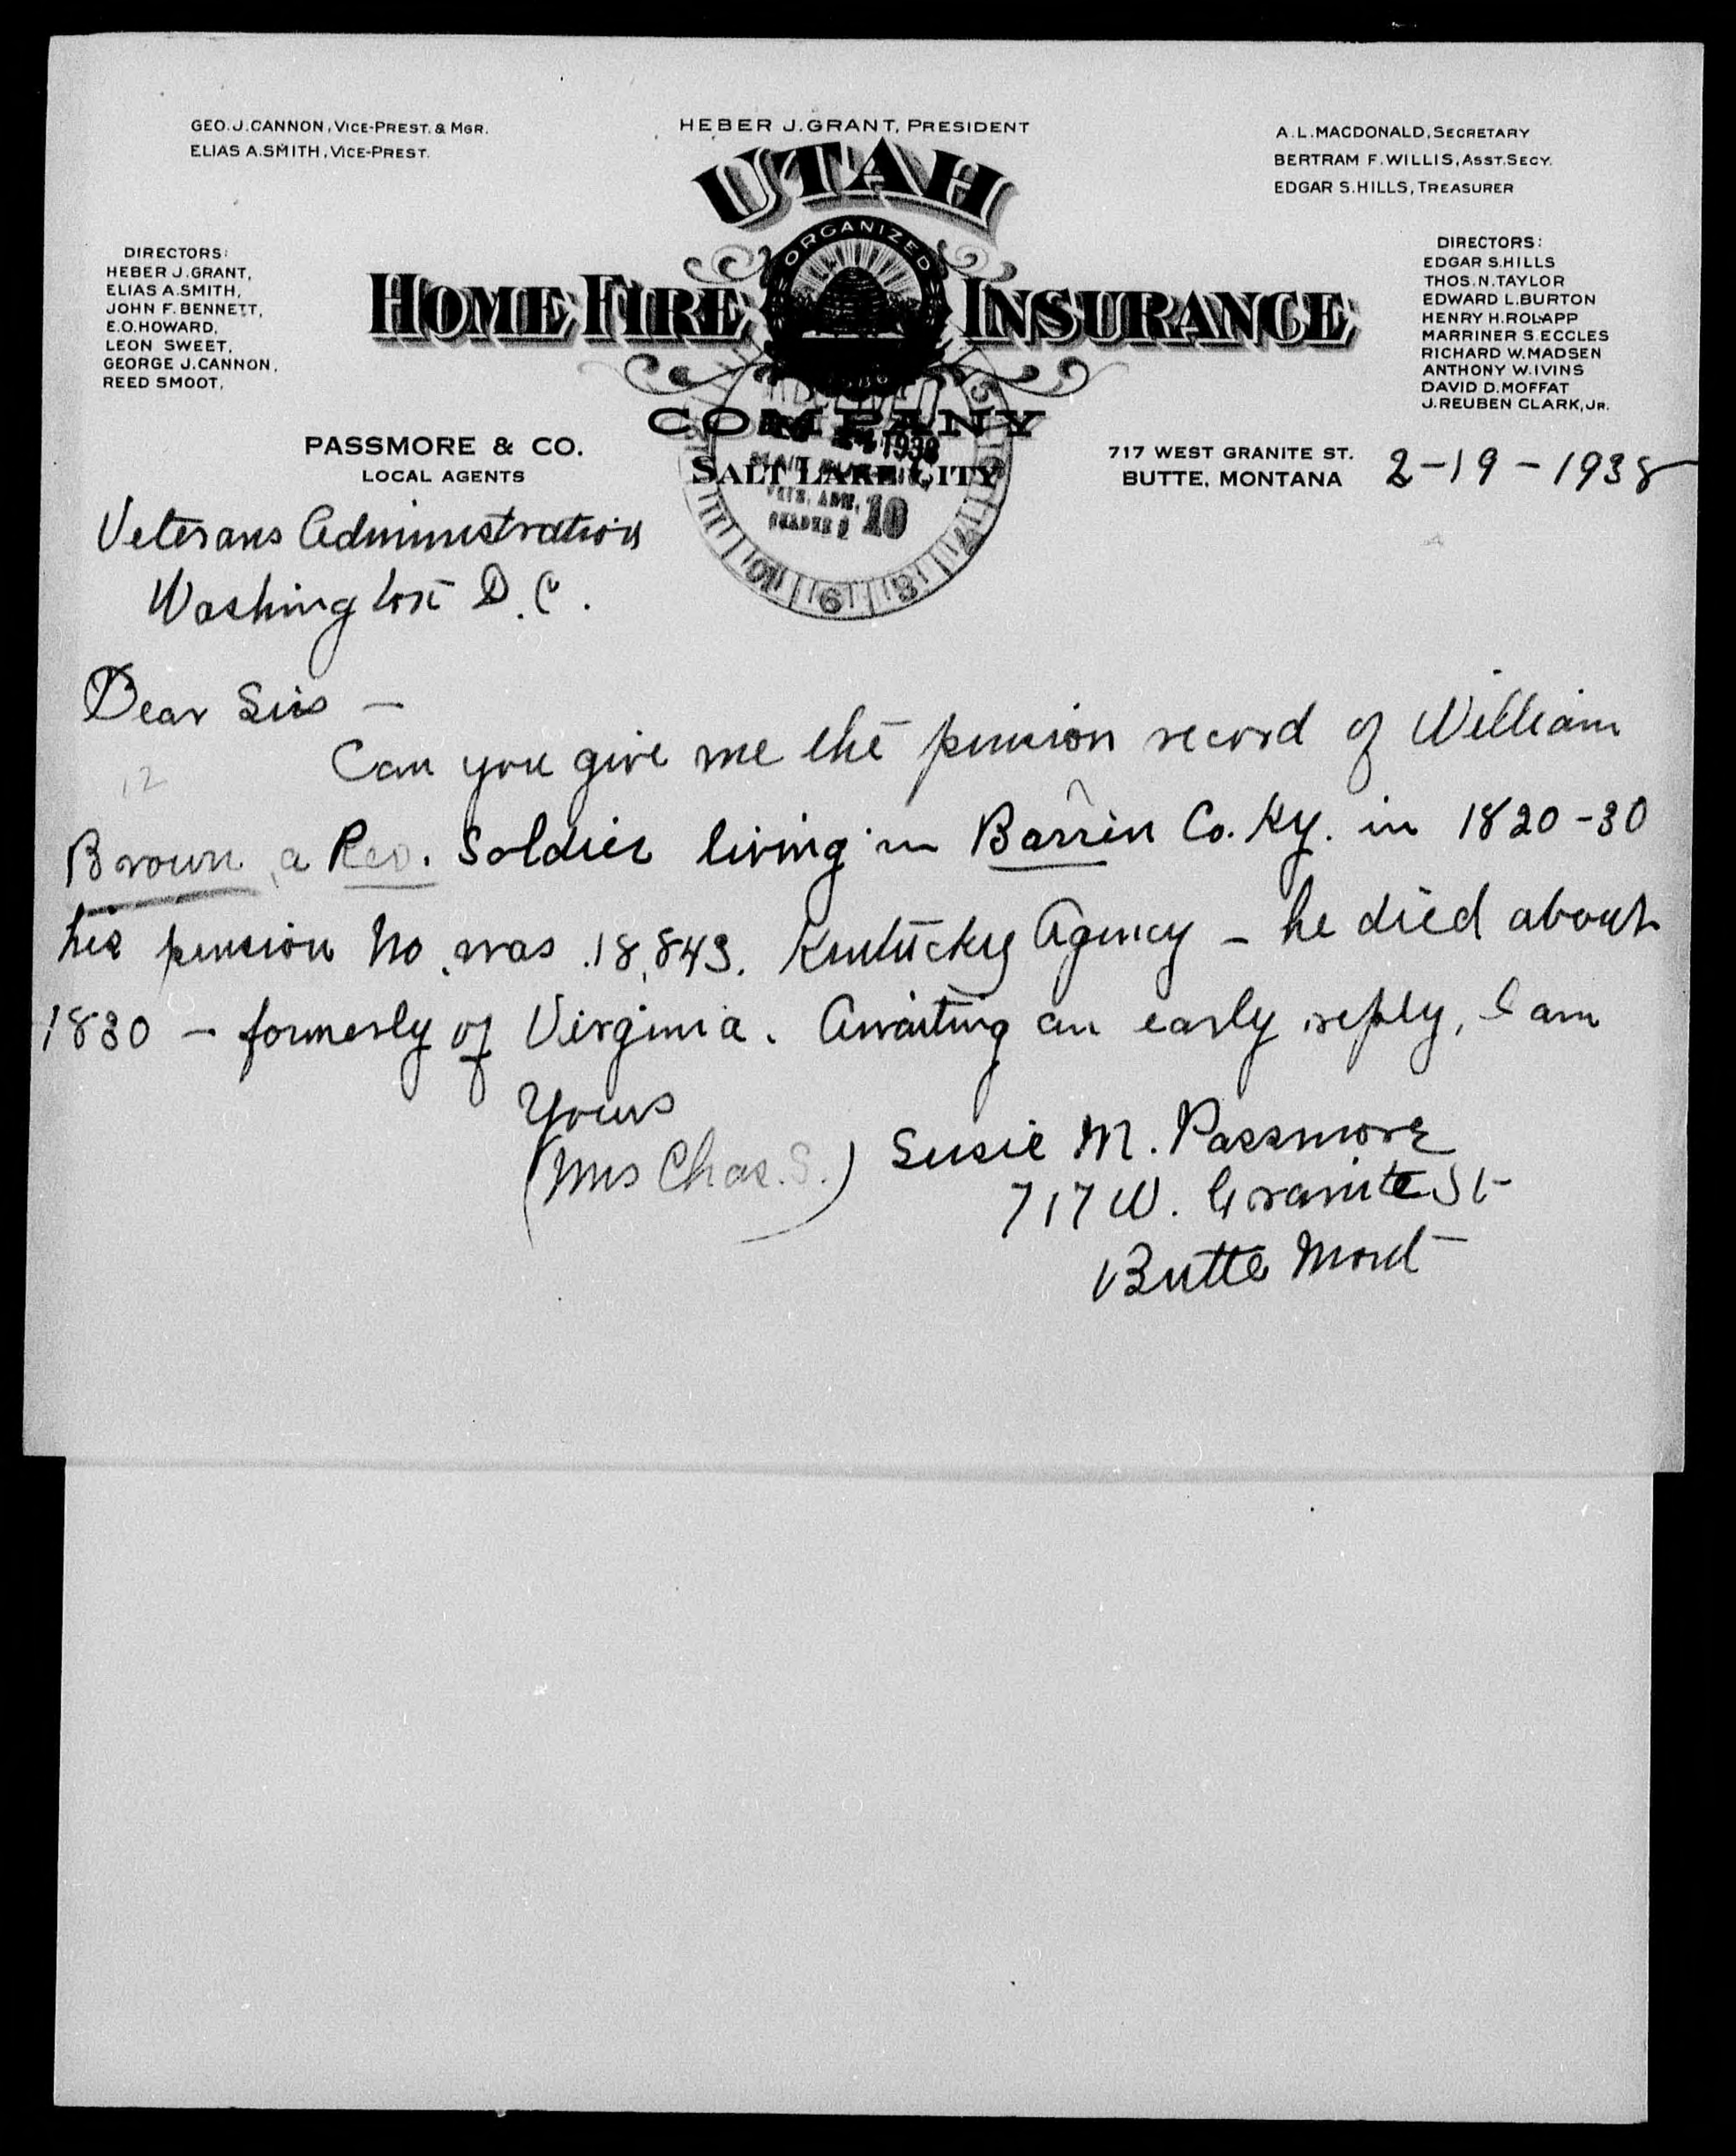Geo. J. Cannon, Vice - Prest. & Mgr
Elias a. Smith, Vice - Prest.

A.L. Macdonald, Secretary
Bertram F. Willis, Asst. Secy.
Edgar S. Hills, Treasurer

Heber J. Grant, President
Utah Home Fire Insurance
Company
Salt Lake City
[illegible rubber stamp]

Directors:
Heber J. Grant,
Elias A. Smith,
John F. Bennett,
E. O. Howard,
Leon Sweet,
George J. Cannon,
Reed Smoot

Directors:
Edgar S. Hills
Thos. N. Taylor
Edward L. Burton
Henry H. Rolapp
Marriner S. Eccles
Richard W. Madsen
Anthony W. Ivins
David D. Moffat
J. Reuben Clark, Jr.

Passmore & Co.
Local Agents

717 West Granite St. 
Butte, Montana

2 -19 - 1938

Veterans Administrations
Washington D.C.

Dear Sirs -
Can you give me the pension record of William
Brown, a Rev. Soldier living in Barrin Co. Ky. in 1820 - 30
his pension no. was .18.843. Kentucky Agency - he died about
1830 - formerly of Virginia. Awaiting an early reply. I am
yours
(Mrs Chas. S.)

Susie M. Passmore
717 W. Granite St
Butte Mont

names: A L Macdonald, John F Bennett, Edgar S Hills, Chas S, Richard W Madsen, Henry H Rolapp, Susie M Passmore, E O Howard, Geo J Cannon, J Reuben Clark, Thos N Taylor, Leon Sweet, Marriner S Eccles, Elias A Smith, David D Moffat, Elias A Smith, Heber J Grant, George J Cannon, Edward L Burton, Edgar S Hills, Bertram F Willis, William Brown, Reed Smoot, Anthony W Ivins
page: 9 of 21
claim: survivor's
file: S. 35,788, William Brown, Va.